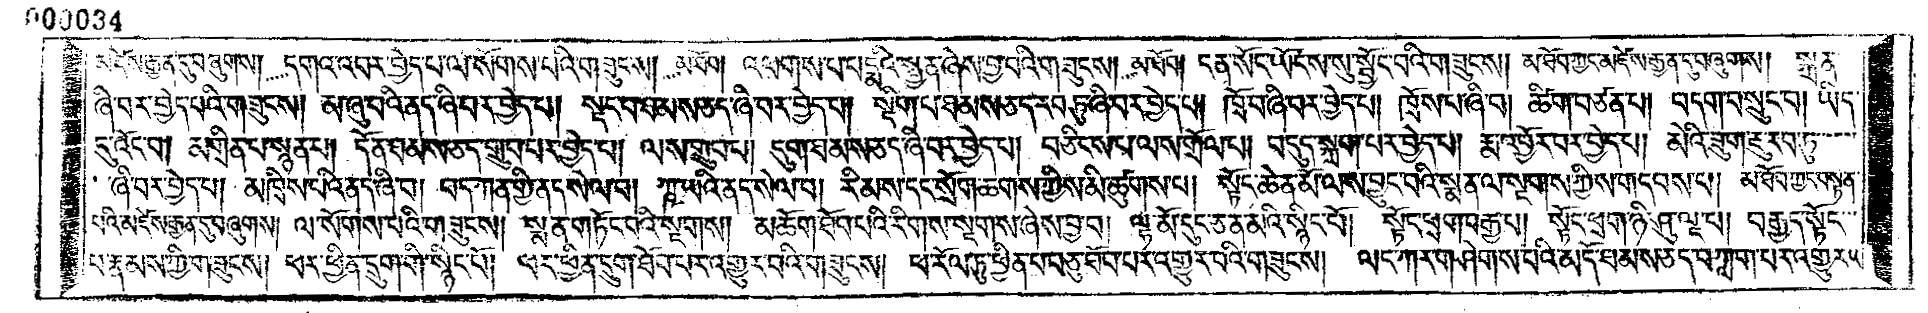མཛེས་རྒྱན་དུ་བཞུགས།  དགའ་འབར་བྱེད་པ་ལ་སོགས་པའི་གཟུངས། མ་ཐོབ།  འཕགས་པ་པདམའི་སྤྱན་ཞེས་བྱ་བའི་གཟུངས་མ་ཐོབ།  ངན་སོང་ཡོངས་སུ་སྤྱོང་བའི་གཟུངས། མ་ཐོབ་ཀྱང་མཛེས་རྒྱན་དུ་བཞུགས།  སྐྲན་
ཞི་བར་བྱེད་པའི་གཟུངས། མ་ཞུ་བའི་ནད་ཞི་བར་བྱེད་པ། སྡང་བ་ཐམས་ཅད་ཞི་བར་བྱེད་པ། སྡིག་པ་ཐམས་ཅད་རབ་ཏུ་ཞི་བར་བྱེད་པ། ཁྲོ་བ་ཞི་བར་བྱེད་པ། ཁྲོས་པ་ཞི་བ། ཚིག་བཙན་པ། བདག་བསྲུང་བ། ཡིད་
དུ་འོང་བ། མགྲིན་པ་སྙན་པ། དོན་ཐམས་ཅད་གྲུབ་པར་བྱེད་པ། ལས་གྲུབ་པ། དགུ་ཐམས་ཅད་ཞི་བར་བྱེད་པ། བཅིངས་པ་ལས་གྲོལ་པ། བདུད་སྐྲག་པར་བྱེད་པ། རྨ་འབྱོར་བར་བྱེད་པ། མེའི་ཟུག་རྡུ་རབ་ཏུ་
ཞི་བར་བྱེད་པ། མཁྲིས་པའི་ནད་ཞི་བ། བད་ཀན་གྱི་ནད་སེལ་བ། ཀྵ་ཡའི་ནད་སེལ་བ། རིམས་དང་སྲོག་ཆགས་ཀྱིས་མི་ཚུགས་པ། སྟོང་ཆེན་མོ་ལས་བྱུང་བའི་སྨན་ལ་སྔགས་ཀྱིས་གདབས་པ། མ་ཐོབ་ཀྱང་བསྟན་
པའི་མཛེས་རྒྱན་དུ་བཞུགས། ལ་སོགས་པའི་གཟུངས། སྨན་གཏོང་བའི་སྔགས། མཆོག་ཐོབ་པའི་རིགས་སྔགས་ཞེས་བྱ་བ། ལྷ་མོ་དུང་ཅན་མའི་སྙིང་པོ། སྟོང་ཕྲག་བརྒྱ་པ། སྟོང་ཕྲག་ཉི་ཤུ་ལྔ་པ། བརྒྱད་སྟོང་
པ་རྣམས་ཀྱི་གཟུངས། ཕར་ཕྱིན་དྲུག་གི་སྙིང་པོ། ཕར་ཕྱིན་དྲུག་ཐོབ་པར་འགྱུར་བའི་གཟུངས། ཕ་རོལ་ཏུ་ཕྱིན་པ་བཅུ་ཐོབ་པར་འགྱུར་བའི་གཟུངས། ལང་ཀར་གཤེགས་པའི་མདོ་ཐམས་ཅད་བཀླག་པར་འགྱུར ༥